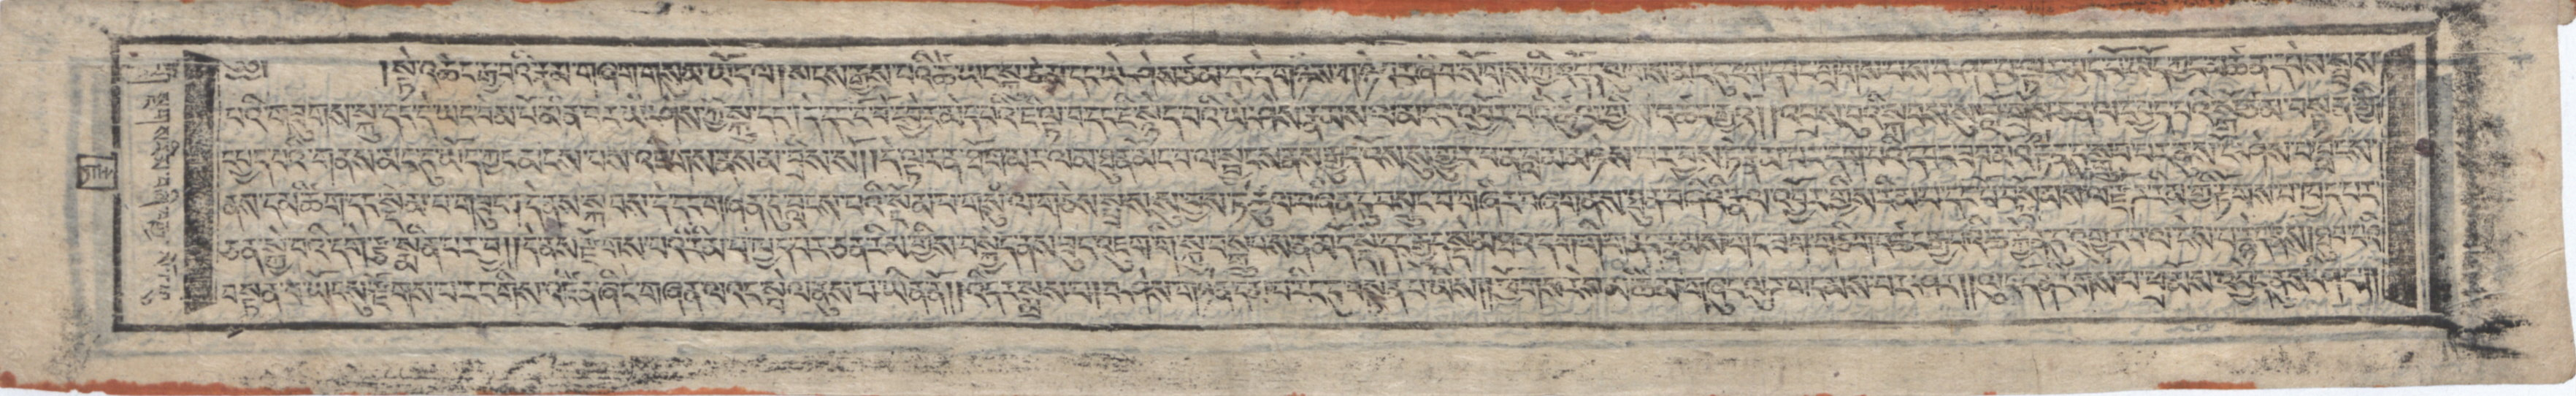༄༅། །སྟེ་འཚང་རྒྱ་བའི་རྣམ་གཞག་གསུམ་ཡོད་ལ། སངས་རྒྱས་པའི་ཚེ་ཡང་སྐུ་ཙམ་དང་ཡེ་ཤེས་ཙམ་དང་དེ་གཉིས་ཀ་ཉེ་བར་ཞིབ་སོགས་ཀྱི་འདོད་ལུགས་མང་དུ་ངག་དབང་གྲགས་པས་བཤད་པ་ལྟར་མང་པོ་ཡོད་ཀྱང་མཚན་དཔེས་སྤྲས་
པའི་གཟུགས་སྐུ་དང་དེ་ཡང་བེམ་པོ་མིན་པར་ཡེ་ཤེས་ཀྱི་སྐུ་དང་། དེ་དང་ངོ་བོ་དབྱེར་མེད་པའི་ཇི་ལྟ་བ་དང་ཇི་སྙེད་པའི་ཡེ་ཤེས་རྣམས་ལ་མངའ་འབྱོར་བའི་ཚུལ་གྱིས་འཚང་རྒྱའོ། །འབྲས་བུའི་སྐབས་སུ་བློ་གྲོས་ཅན་ལ་དཔྱད་པའི་སྒོ་ཙམ་བསྟན་གྱི་
དཔྱད་པའི་གནས་མང་དུ་ཡོད་ཀྱང་མངས་པས་འཇིགས་ནས་མ་བྲིས་སོ། །དེ་ལྟར་ན་ཐོག་མར་ལམ་ཐུན་མོང་བ་ལ་སྦྱངས་ནས་རྒྱུད་འོས་སུ་གྱུར་པ་ན་བླ་མ་མཉེས་པར་བྱས་ཏེ་རྣམ་པར་དག་པའི་དབང་ཟབ་མོའི་རྟེན་དུ་སྒྲུབ་པར་ནུས་ངོ་ཤེས་པ་བླངས་
ནས་དམ་ཚིག་དང་སྡོམ་པ་གཟུང་། དེ་ནས་སྐབས་དེ་དང་གཞན་དུ་བླངས་པའི་སྡོམ་པ་གསུམ་ལ་གཅེས་སྤྲས་སུ་བྱས་ཏེ་ཚུལ་བཞིན་དུ་བསྲུང་བ་གཞིར་བཞག་ནས་ཐུན་བཞིའི་རྣལ་འབྱོར་གྱིས་རིམ་པ་དང་པོ་བསྒོམས་ལ་རྫོགས་རིམ་གྱི་རྟོགས་པ་ཁྱད་པར་
ཅན་སྐྱེ་བའི་དགེ་རྩ་སྨིན་པར་བྱ། །དེ་ནས་རྫོགས་པའི་རིམ་པ་ཁྱད་པར་ཅན་རིམ་གྱིས་བསྐྱེད་ནས་ཟུང་འཇུག་གི་སྐུ་བསྒྲུབས་ན་མདོ་སྡེ་དང་རྒྱུད་སྡེ་མཐའ་དག་གི་གནད་རྣམས་གང་ཟག་གཅིག་འཚང་རྒྱ་བའི་ཆ་རྐྱེན་དུ་འགྱུར་བ་ལ་ངེས་པ་རྙེད་ནས། ཐུབ་པའི་
བསྟན་པ་ཡོངས་སུ་རྫོགས་པ་རང་གིས་འཛིན་ཞིང་གཞན་ལའང་སྤེལ་ནུས་པ་ཡིན་ནོ། །འདིར་སྨྲས་པ། བཤེས་གཉེན་དམ་པ་རིང་དུ་བསྟེན་པ་ཡིས། །ཕྱོགས་རེས་མ་ཚིམ་གཞུང་ལུགས་གདམས་པར་ཤར། །ལུང་དོན་རིགས་པ་ཕྲ་མོས་འབྱེད་ནུས་ཤིང།།